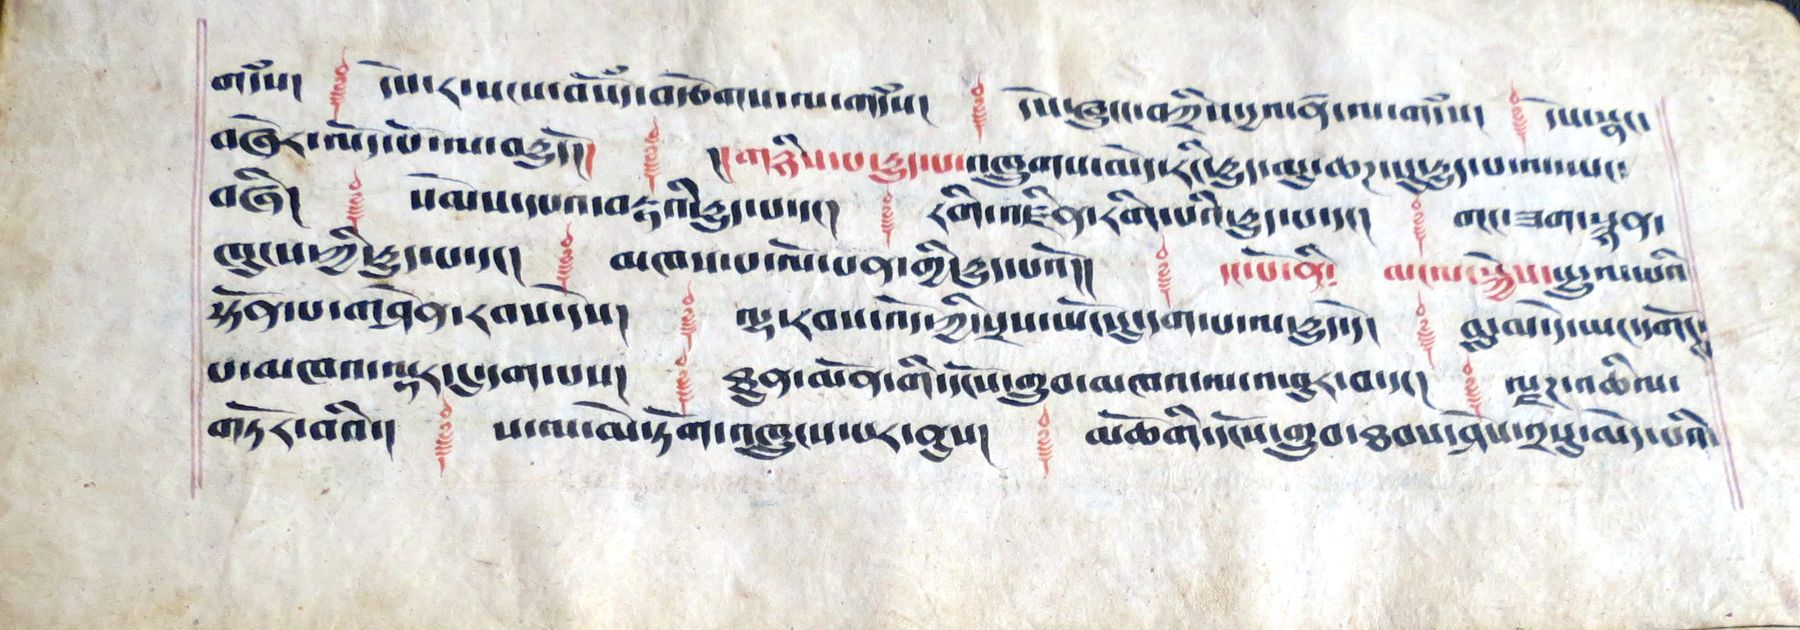གདམས། དེས་ར་སངས་བསོད་ནམས་བརྩེག་ལ་གདམས། དེས་ཞང་ཞུང་བཀྲ་ཤིས་རྒྱལ་མཚན་ལ་གདམས་སོ། ། དེས་སྣང་
བཞེར་ལོད་པོ་ལ་བརྒྱུད་དོ། ། གཉིས་པ་བརྒྱུད་པ་འཁྲུག་མེད་རིང་བརྒྱུད་མུ་ཆགས་སུ་བརྒྱུད་པ་ལ་ཡང་
བཞི། སེམས་དཔའ་བརྡའི་བརྒྱུད་པ་དང་། རིག་འཛིན་རིག་པའི་བརྒྱུད་པ་དང་། གང་ཟག་སྙན་
ཁུངས་ཀྱི་བརྒྱུད་པ་དང་། མཁས་པ་ལོ་པཎ་གྱི་བརྒྱུད་པའོ། ། དང་པོ་ནི། མངལ་སྐྱེས་སྤྲུལ་པའི་
སྟོན་པ་གཤེན་རབ་དེས། ལྷ་རབ་འོད་ཀྱི་སྲས་ཡོངས་སུ་དག་པ་ལ་བརྒྱུད་དེ། བླ་མ་དེ་ཡང་དགོངས་
པ་མཁའ་ལྟར་དུ་དག་པས། ཐུན་མོང་གི་དངོས་གྲུབ་མཁའ་ལ་འཕུར་བ་དང་། ལྗགས་མཆིལ་
གཏོར་བས། ས་ལ་མེ་ཏོག་འཁྲུངས་པར་ནུས། མཆོག་གི་དངོས་གྲུབ་ཐབས་ཤེས་གཉིས་སུ་མེད་པའི་